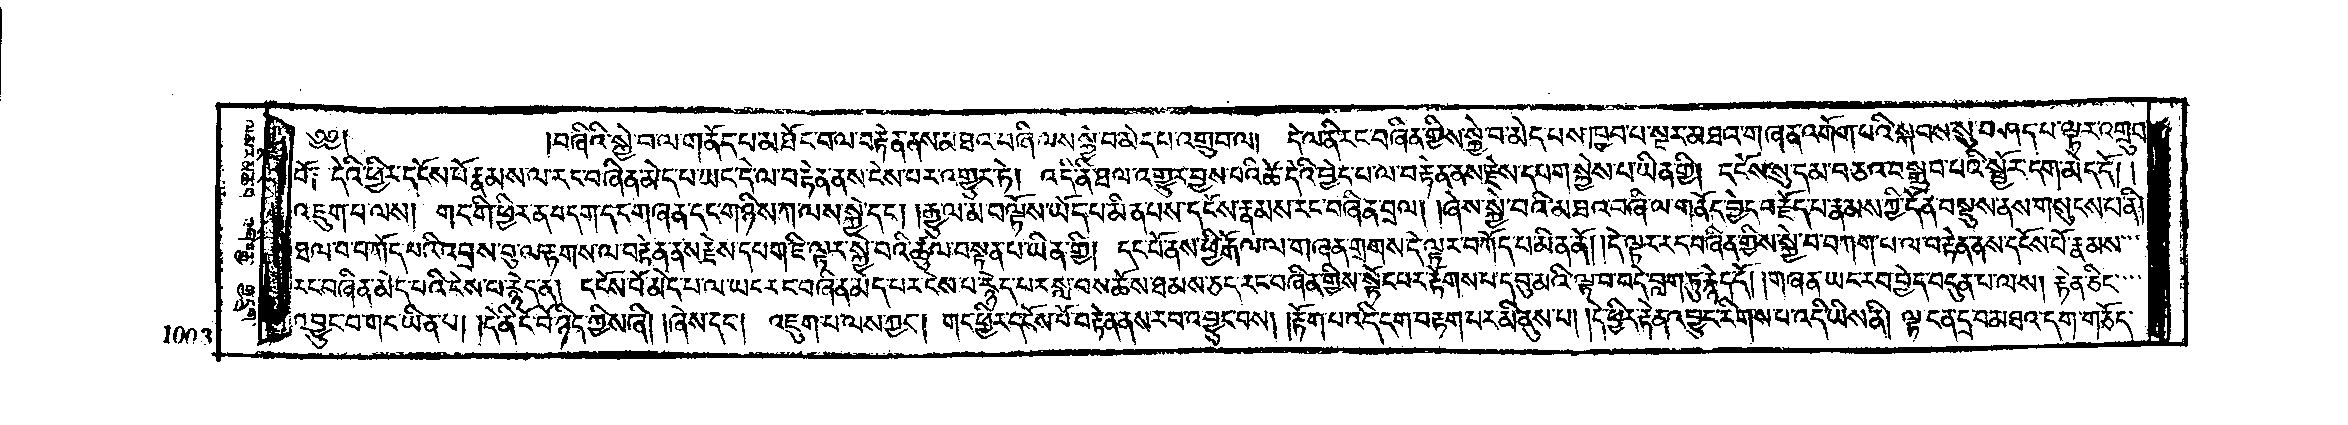༄༅། །བཞིའི་སྐྱེ་བ་ལ་གནོད་པ་མཐོང་བ་ལ་བརྟེན་ནས་མཐའ་བཞི་ལས་སྐྱེ་བ་མེད་པ་འགྲུབ་ལ། དེ་ལ་ནི་རང་བཞིན་གྱིས་སྐྱེ་བ་མེད་པས་ཁྱབ་པ་སྔར་མཐའ་གཞན་འགོག་པའི་སྐབས་སུ་བཤད་པ་ལྟར་འགྲུབ་
བོ༑ ༑དེའི་ཕྱིར་དངོས་པོ་རྣམས་ལ་རང་བཞིན་མེད་པ་ཡང་དེ་ལ་བརྟེན་ནས་ངེས་པར་འགྱུར་ཏེ། འདི་ནི་ཐལ་འགྱུར་བྱས་པའི་ཚེ་དེའི་བྱེད་པ་ལ་བརྟེན་ནས་རྗེས་དཔག་སྐྱེས་པ་ཡིན་གྱི། དངོས་སུ་དམ་བཅའ་བསྒྲུབ་པའི་སྦྱོར་ངག་མེད་དོ། །
འཇུག་པ་ལས། གང་གི་ཕྱིར་ན་བདག་དང་གཞན་དང་གཉིས་ཀ་ལས་སྐྱེ་དང་། །རྒྱུ་ལ་མ་བལྟོས་ཡོད་པ་མིན་པས་དངོས་རྣམས་རང་བཞིན་བྲལ། །ཞེས་སྐྱེ་བའི་མཐའ་བཞི་ལ་གནོད་བྱེད་བརྗོད་པ་རྣམས་ཀྱི་དོན་བསྡུས་ནས་གསུངས་པ་ནི།
ཐལ་བ་བཀོད་པའི་འབྲས་བུ་ལ་རྟགས་ལ་བརྟེན་ནས་རྗེས་དཔག་ཇི་ལྟར་སྐྱེ་བའི་ཚུལ་བསྟན་པ་ཡིན་གྱི། དང་པོ་ནས་ཕྱི་རྒོལ་ལ་གཞན་གྲགས་དེ་ལྟར་བཀོད་པ་མིན་ནོ། །དེ་ལྟར་རང་བཞིན་གྱིས་སྐྱེ་བ་བཀག་པ་ལ་བརྟེན་ནས་དངོས་པོ་རྣམས་
རང་བཞིན་མེད་པའི་ངེས་པ་རྙེད་ན། དངོས་པོ་མེད་པ་ལ་ཡང་རང་བཞིན་མེད་པར་ངེས་པ་རྙེད་པར་སླ་བས་ཆོས་ཐམས་ཅད་རང་བཞིན་གྱིས་སྟོང་པར་རྟོགས་པ་དབུ་མའི་ལྟ་བ་བདེ་བླག་ཏུ་རྙེད་དོ། །གཞན་ཡང་རབ་བྱེད་བདུན་པ་ལས། རྟེན་ཅིང་
འབྱུང་བ་གང་ཡིན་པ། །དེ་ནི་ངོ་བོ་ཉིད་ཀྱིས་ཞི། །ཞེས་དང་། འཇུག་པ་ལས་ཀྱང་། གང་ཕྱིར་དངོས་པོ་བརྟེན་ནས་རབ་འབྱུང་བས། །རྟོག་པ་འདི་དག་བརྟག་པར་མི་ནུས་པ། །དེ་ཕྱིར་རྟེན་འབྱུང་རིགས་པ་འདི་ཡིས་ནི། །ལྟ་ངན་དྲ་བ་མཐའ་དག་གཅོད་